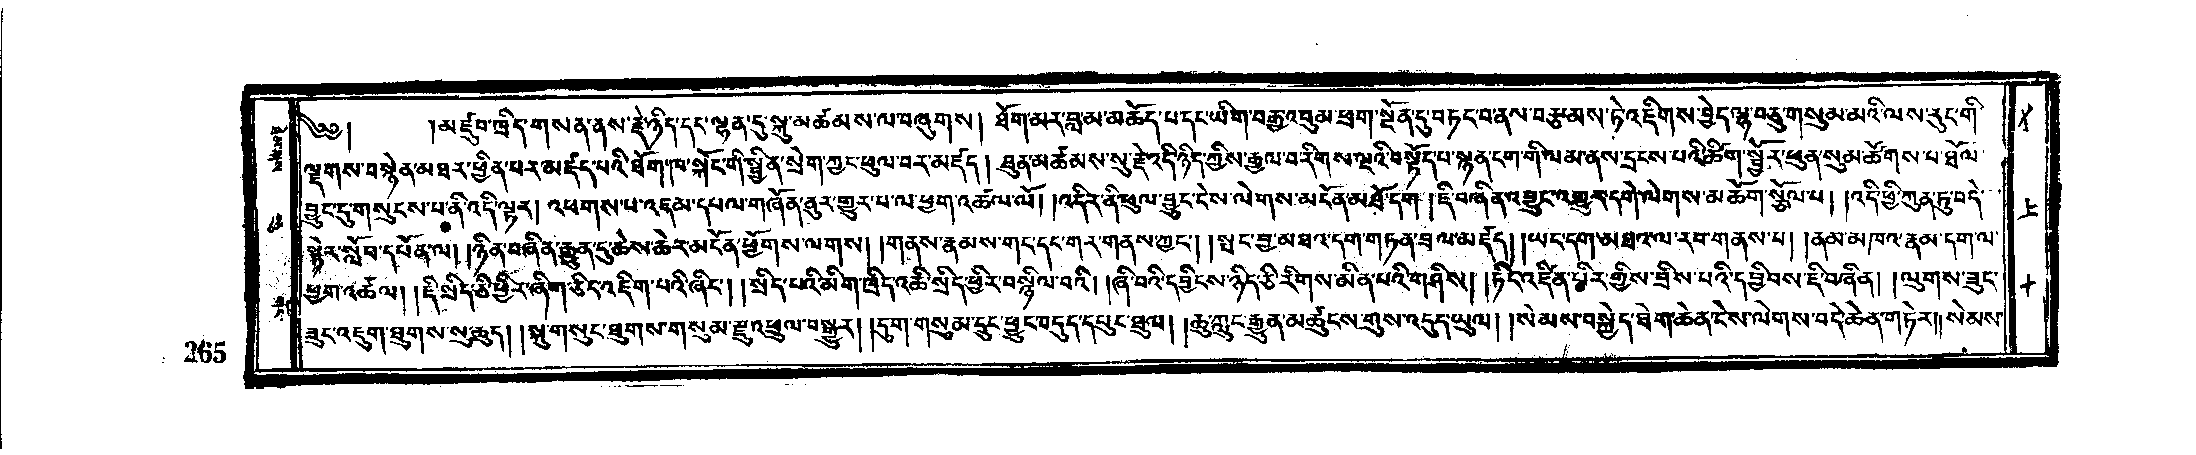༄༅། །མཛུབ་ཁྲིད་གསན་ནས་རྗེ་ཉིད་དང་ལྷན་དུ་སྐུ་མཚམས་ལ་བཞུགས། ཐོག་མར་བླ་མ་མཆོད་པ་དང་ཡིག་བརྒྱ་འབུམ་ཕྲག་སྔོན་དུ་བཏང་བ་ནས་བརྩམས་ཏེ་འཇིགས་བྱེད་ལྷ་བཅུ་གསུམ་མའི་ལས་རུང་གི་
ལྗགས་བསྙེན་མཐར་ཕྱིན་པར་མཛད་པའི་ཐོག་ཁ་སྐོང་གི་སྦྱིན་སྲེག་ཀྱང་ཕུལ་བར་མཛད། ཐུན་མཚམས་སུ་རྗེ་འདི་ཉིད་ཀྱིས་རྒྱལ་བ་རིགས་ལྔའི་བསྟོད་པ་སྙན་ངག་གི་ལམ་ནས་དྲངས་པའི་ཚིག་སྦྱོར་ཕུན་སུམ་ཚོགས་པ་ཐོལ་
བྱུང་དུ་གསུངས་པ་ནི་འདི་ལྟར། འཕགས་པ་འཇམ་དཔལ་གཞོན་ནུར་གྱུར་པ་ལ་ཕྱག་འཚལ་ལོ། །འདིར་ནི་ཕུལ་བྱུང་ངེས་ལེགས་མངོན་མཐོ་དག །ཇི་བཞིན་འབྱུང་འགྱུར་དགེ་ལེགས་མཆོག་སྩོལ་པ། །འདི་ཕྱི་ཀུན་ཏུ་བདེ་
སྟེར་སློབ་དཔོན་ལ། །ཉིན་བཞིན་རྒྱུན་དུ་ཆེས་ཆེར་མངོན་ཕྱོགས་ལགས། །གནས་རྣམས་གང་དང་གར་གནས་ཀྱང་། །སྤང་བྱ་མཐའ་དག་གཏན་བྲལ་མཛད། །ཡང་དག་མཐའ་ལ་རབ་གནས་པ། །ནམ་མཁའ་རྣམ་དག་ལ་
ཕྱག་འཚལ། །ཇི་སྲིད་ཅི་ཕྱིར་ཞིག་ཅིང་འཇིག་པའི་ཞིང་། །སྲིད་པའི་མིག་ཁྲིད་འཆི་སྲིད་ཕྱིར་བསྙིལ་བའི། །ཞི་བའི་དབྱིངས་ཉིད་ཅི་རིགས་མིན་པའི་གཤིས། །ཏིང་འཛིན་པིར་གྱིས་བྲིས་པའི་དབྱིབས་ཇི་བཞིན། །ལུགས་ཟུང་
ཟུང་འཇུག་ཐུགས་སུ་ཆུད། །སྐུ་གསུང་ཐུགས་གསུམ་རྫུ་འཕྲུལ་བསྒྱུར། །དུག་གསུམ་དྲུང་ཕྱུང་བདུད་དཔུང་ཐུལ། །ཆུ་ཀླུང་རྒྱུན་མཚུངས་གུས་འདུད་ཡུལ། །སེམས་བསྐྱེད་ཐེག་ཆེན་ངེས་ལེགས་བདེ་ཆེན་གཏེར།། སེམས་